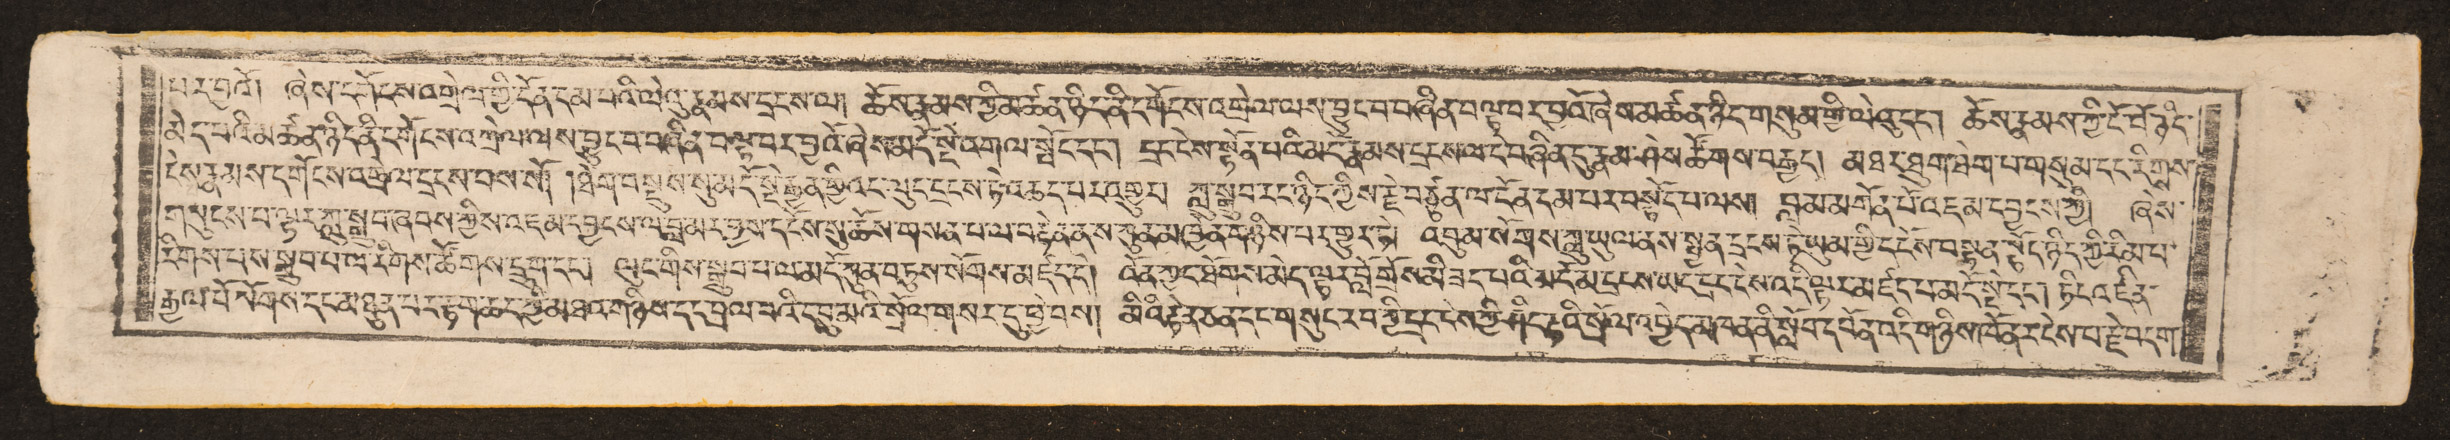པར་བྱའོ། ཞེས་དགོངས་འགྲེལ་གྱི་དོན་དམ་པའི་ལེའུ་རྣམས་དྲངས་ལ། ཆོས་རྣམས་ཀྱི་མཚན་ཉིད་ནི་དགོངས་འགྲེལ་ལས་བྱུང་བ་བཞིན་བལྟ་བར་བྱའོ་ཞེས་མཚན་ཉིད་གསུམ་གྱི་ལེའུ་དང་། ཆོས་རྣམས་ཀྱི་ངོ་བོ་ཉིད་
མེད་པའི་མཚན་ཉིད་ནི་དགོངས་འགྲེལ་ལས་བྱུང་བ་བཞིན་བལྟ་བར་བྱའོ་ཞེས་མདོ་སྡེ་འགལ་སྤོང་དང་། དྲང་ངེས་སྟོན་པའི་མདོ་རྣམས་དྲངས་ལ་དེ་བཞིན་དུ་རྣམ་ཤེས་ཚོགས་བརྒྱད། མཐར་ཐུག་ཐེག་པ་གསུམ་དང་རིགས་
ངེས་རྣམས་དགོངས་འགྲེལ་དྲངས་པས་སོ། །ཐེག་བསྡུས་སུ་མདོ་སྡེ་རྒྱན་གྱིའང་ལུང་དྲངས་ཏེ་འཆད་པར་འགྱུར། ཀླུ་སྒྲུབ་རང་ཉིད་ཀྱིས་རྗེ་བཙུན་ལ་དོན་དམ་པར་བསྟོད་པ་ལས། བླ་མ་མགོན་པོ་འཇམ་དབྱངས་ཀྱི། ཞེས་
ཕ༹གསུངས་པ་ལྟར་ཀླུ་སྒྲུབ་ཞབས་ཀྱིས་འཇམ་དབྱངས་ལ་བླ་མར་བྱས་དངོས་སུ་ཆོས་གསན་པ་ལ་བརྟེན་ནས་ཀུན་མཁྱེན་གཉིས་པར་གྱུར་ཏེ། འབུམ་སོགས་ཀླུ་ཡུལ་ནས་སྤྱན་དྲངས་ཏེ་ཡུམ་གྱི་དངོས་བསྟན་སྟོང་ཉིད་ཀྱི་རིམ་པ་
རིགས་པས་སྒྲུབ་པ་ལ་རིགས་ཚོགས་དྲུག་དང་། ལུང་གིས་སྒྲུབ་པ་ལ་མདོ་ཀུན་བཏུས་སོགས་མཛད་དེ། འོན་ཀྱང་ཐོགས་མེད་ལྟར་བློ་གྲོས་མི་ཟད་པའི་མདོ་མ་དྲངས་ཡང་དྲང་ངེས་འདི་ལྟར་མཛད་པ་མདོ་སྡེ་དང་། ཏིང་འཛིན་
རྒྱལ་པོ་སོགས་དང་མཐུན་པར་རྟག་ཆད་ཀྱི་མཐའ་གཉིས་དང་བྲལ་བའི་དབུ་མའི་སྲོལ་གསར་དུ་ཕྱེ་བས། མིའི་རྟེན་ཅན་དང་གསུང་རབ་ཀྱི་དྲང་ངེས་ཀྱི་ཤིང་རྟའི་སྲོལ་འབྱེད་མཁན་ནི་སློབ་དཔོན་འདི་གཉིས་ཁོ་ནར་ངེས་བརྗེ་བདག་